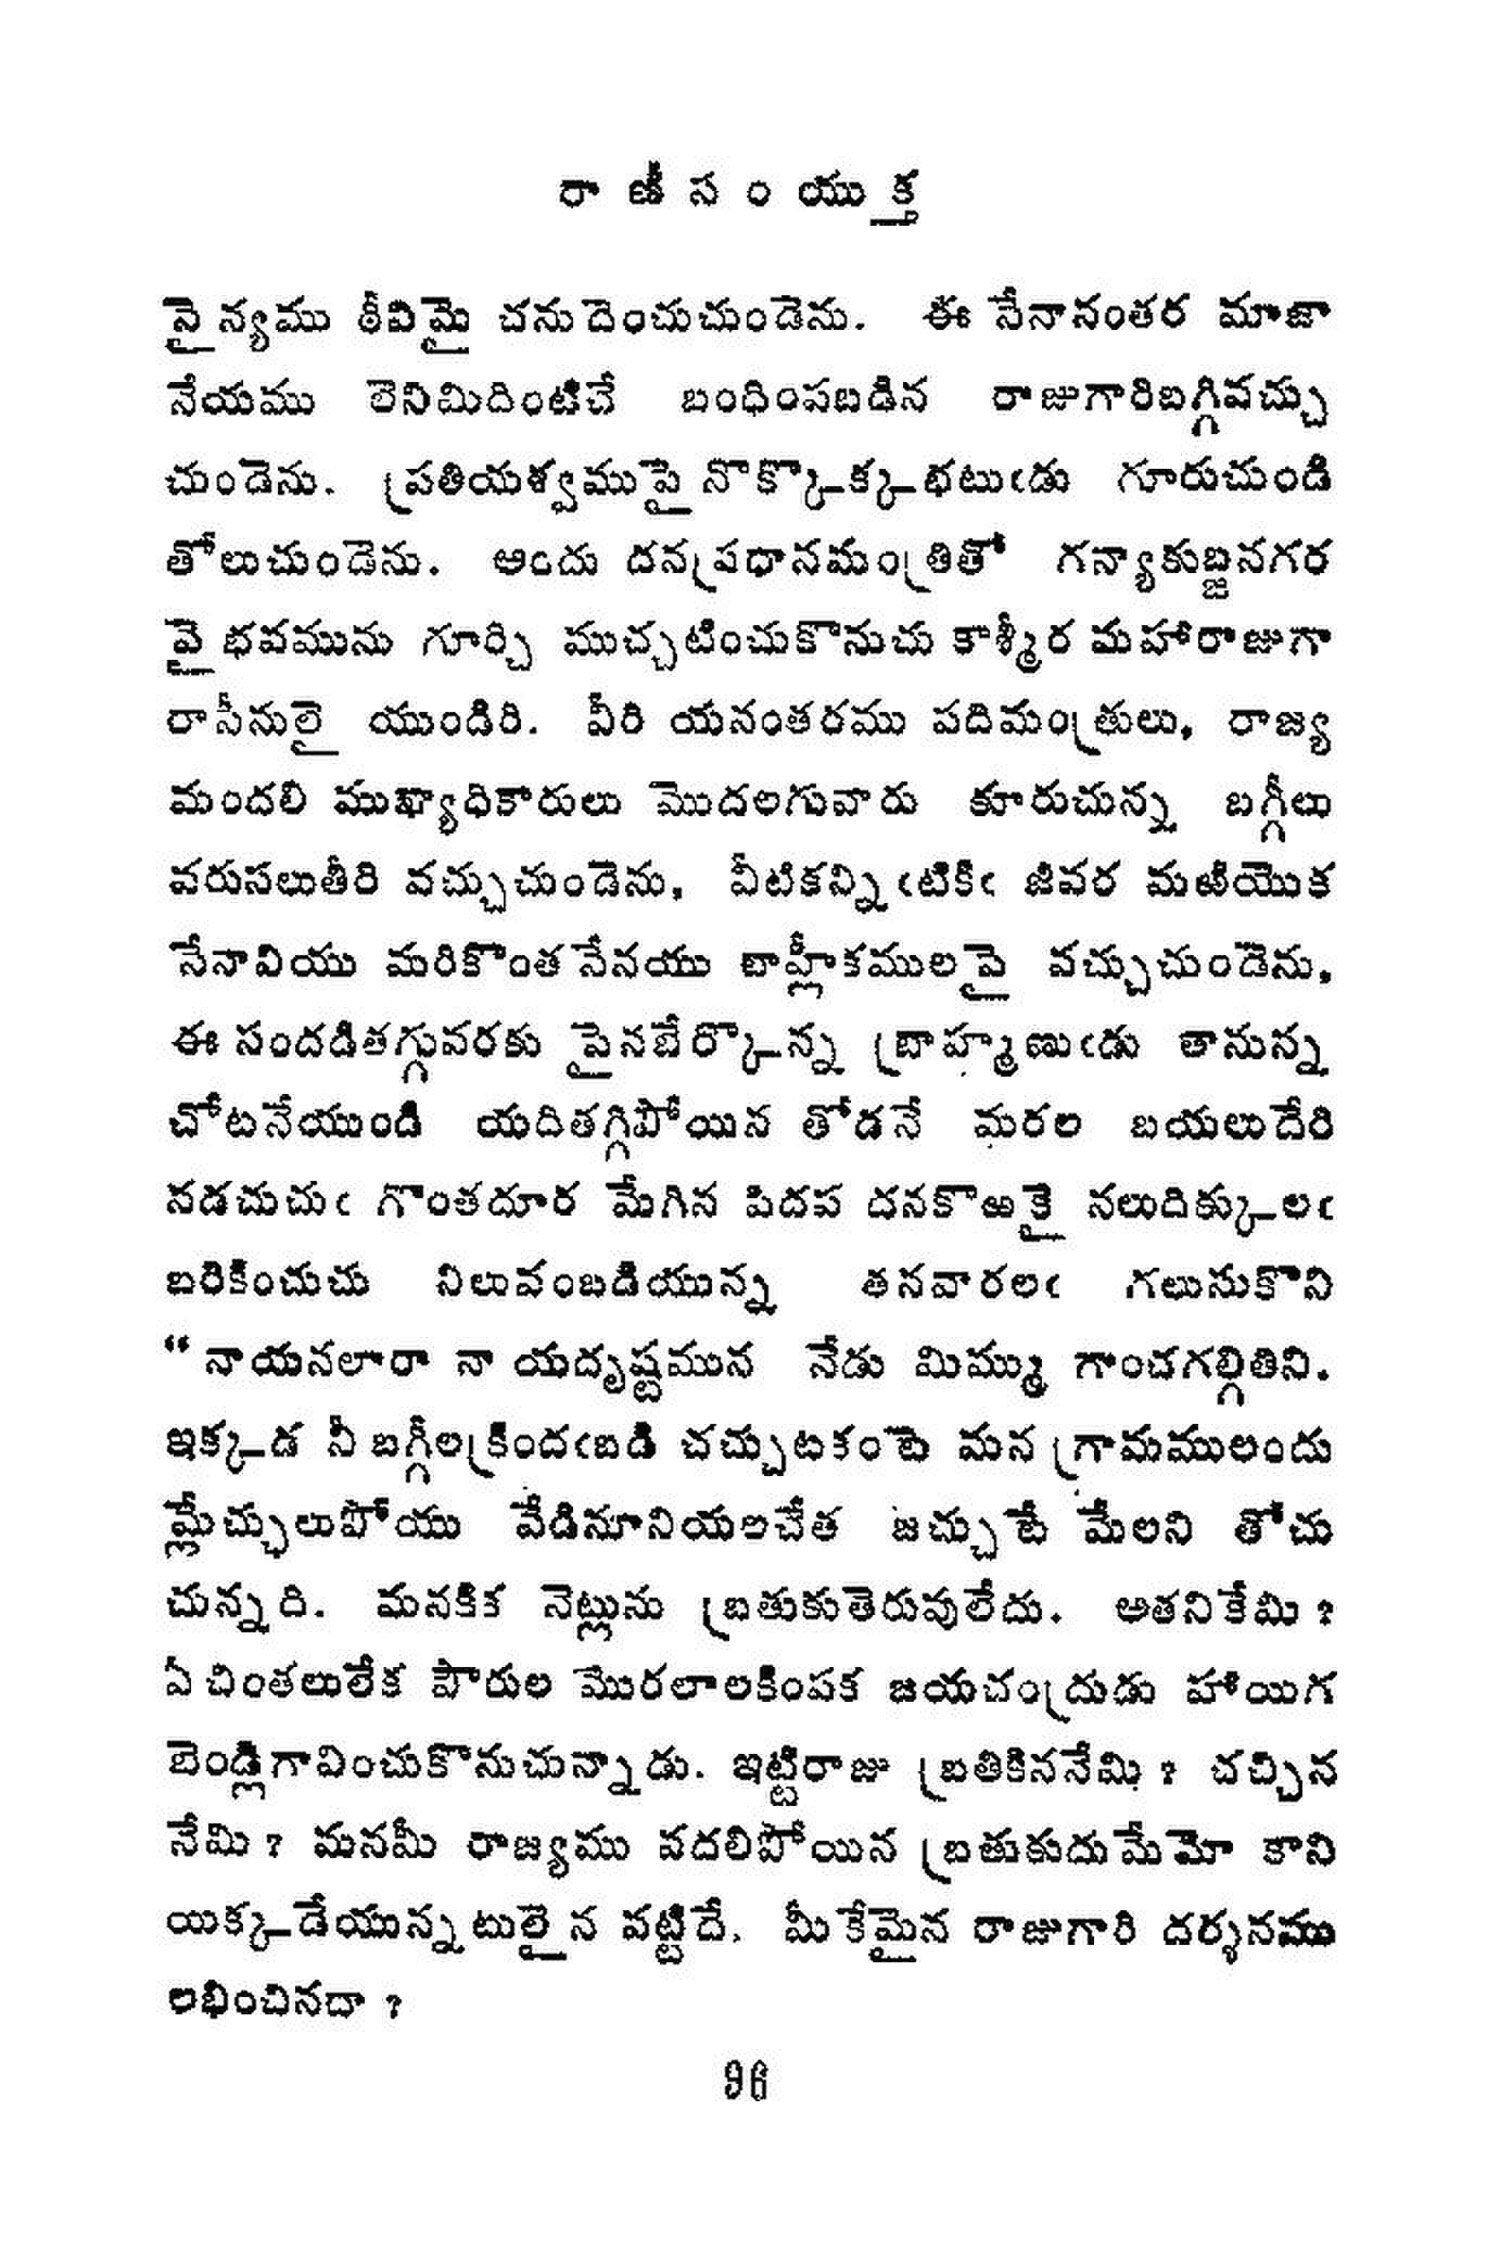సైన్యము ఠీవిమై చనుదెంచుచుండెను. ఈ సేనానంతర మాజానేయము లెనిమిదింటిచే బంధింపబడిన రాజుగారిబగ్గివచ్చు చుండెను. ప్రతియశ్వముపై నొక్కొక్కభటుఁడు గూరుచుండి తోలుచుండెను. అందు దనప్రధానమంత్రితో గన్యాకుబ్జనగర వైభవమును గూర్చి ముచ్చటించుకొనుచు కాశ్మీర మహారాజుగా రాసీనులై యుండిరి. వీరి యనంతరము పదిమంత్రులు, రాజ్యమందలి ముఖ్యాధికారులు మొదలగువారు కూరుచున్న బగ్గీలు వరుసలుతీరి వచ్చుచుండెను. వీటికన్నిఁటికిఁ జివర మఱియొక సేనానియు మరికొంతసేనయు బాహ్లీకములపై వచ్చుచుండెను. ఈ సందడతగ్గువరకు పైనబేర్కొన్న బ్రాహ్మణుఁడు తానున్న చోటనేయుండి యదితగ్గిపోయిన తోడనే మరల బయలుదేరి నడచుచుఁ గొంతదూర మేగిన పిదప దనకొఱకై నలుదిక్కులఁ బరికించుచు నిలువంబడియున్న తనవారలఁ గలుసుకొని "నాయనలారా నా యదృష్టమున నేడు మిమ్ము గాంచగల్గితిని. ఇక్కడ నీ బగ్గీలక్రిందఁబడి చచ్చుటకంటె మన గ్రామములందు మ్లేచ్చులుపోయు వేడినూనియలచేత జచ్చుటే మేలని తోచుచున్నది. మనకిక నెట్లును బ్రతుకుతెరువులేదు. అతనికేమి? ఏ చింతలులేక పౌరుల మొరలాలకింపక జయచంద్రుడు హాయిగ బెండ్లి గావించుకొనుచున్నాడు. ఇట్టిరాజు బ్రతికిననేమి? చచ్చిన నేమి? మనమీ రాజ్యము వదలిపోయిన బ్రతుకుదుమేమో కాని యిక్కడేయున్నటులైన వట్టిదే. మీకేమైన రాజుగారి దర్శనము లభించినదా?